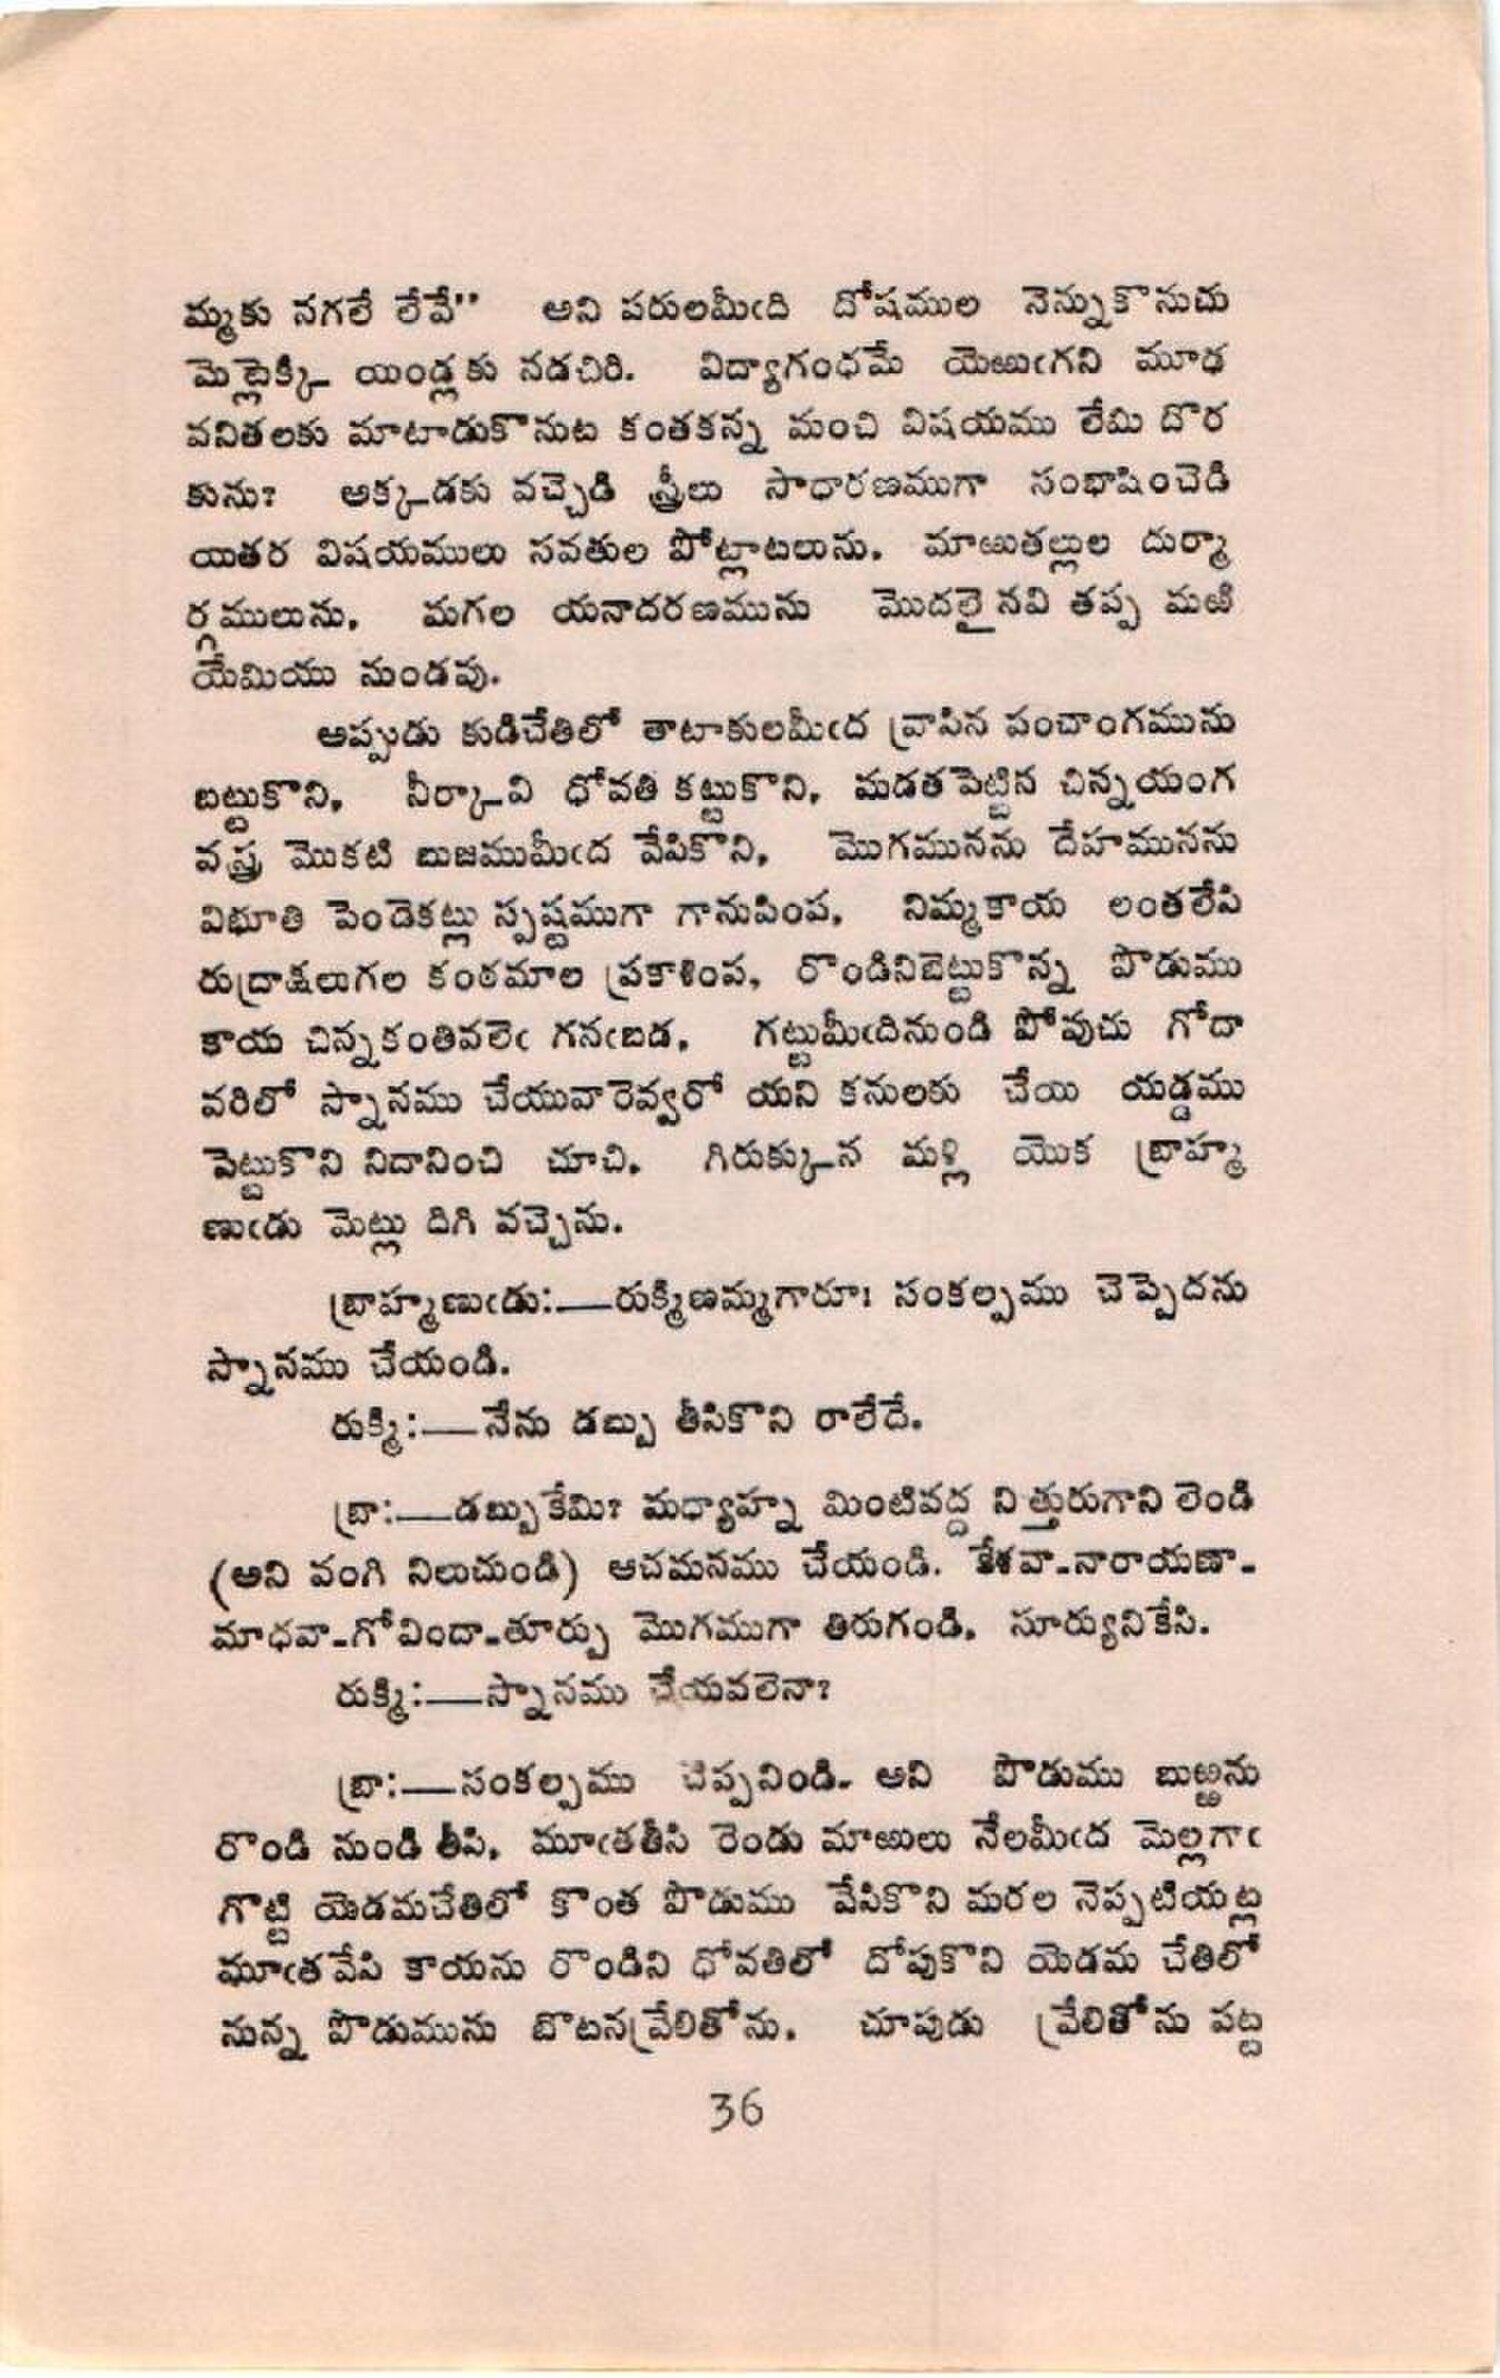మ్మకు నగలే లేవే" అని పరులమీఁది దోషముల నెన్నుకొనుచు మెట్లెక్కి యిండ్లకు నడచిరి. విద్యాగంధమే యెఱుఁగని మూఢ వనితలకు మాటాడుకొనుట కంతకన్న మంచి విషయము లేమి దొర కును? అక్కడకు వచ్చెడి స్త్రీలు సాధారణముగా సంభాషించెడి యితర విషయములు సవతుల పోట్లాటలను, మాఱుతల్లుల దుర్మా ర్గములను, మగల యనాదరణమును మొదలైనవి తప్ప మఱి యేమియు నుండవు.

అప్పడు కుడిచేతిలో తాటాకులమీఁద వ్రాసిన పంచాంగమును బట్టుకొని, నీర్కావి ధోవతి కట్టుకొని, మడతపెట్టిన చిన్నయంగ వస్త్ర మొకటి బుజముమీఁద వేపికొని, మొగమునను దేహమునను విభూతి పెండెకట్లు స్పష్టముగా గానుపింప, నిమ్మకాయ లంతలేపి రుద్రాక్షలు గల కంఠమాల ప్రకాశింప, రొండినిబెట్టుకొన్న పొడుము కాయ చిన్నకంతివలెఁ గనఁబడ, గట్టుమీఁదినుండి పోవుచు గోదా వరిలో స్నానము చేయువారెవ్వరో యని కనులకు చేయి యడ్డము పెట్టుకొని నిదానించి చూచి, గిరుక్కున మళ్లి యొక బ్రాహ్మ ణుఁడు మెట్లు దిగి వచ్చెను.

బ్రాహ్మణుఁడు:__రుక్మిణమ్మగారూ! సంకల్పము చెప్పెదను స్నానము చేయండి.

రుక్మి:__నేను డబ్బు తీసికొని రాలేదే.

బ్రా:__ డబ్బుకేమి? మధ్యాహ్న మింటివద్ద నిత్తురుగాని లెండి (అని వంగి నిలుచుండి) ఆచమనము చేయండి. కేశవా.నారాయణా. మాధవా.గోవిందా.తూర్పు మొగముగా తిరుగండి, సూర్యునికేసి.

రుక్మి:__స్నానము చేయవలెనా?

బ్రా__సంకల్పము చెప్పనిండి. అని పొడుము బుఱ్ఱను రొండి నుండి తీసి మూతతీసి రెండుమాఱులు నేలమీద మెల్లగా గొట్టి యెడమచేతిలో కొంత పొడుము వేసికొని మరల నెప్పటియట్ల మూఁత వేసి కాయను రొండిని ధోవతిలో దోపుకొని యెడమ చేతిలో నున్న పొడుమును బొటనవేలితోను, చూపుడు వేలితోను పట్ట